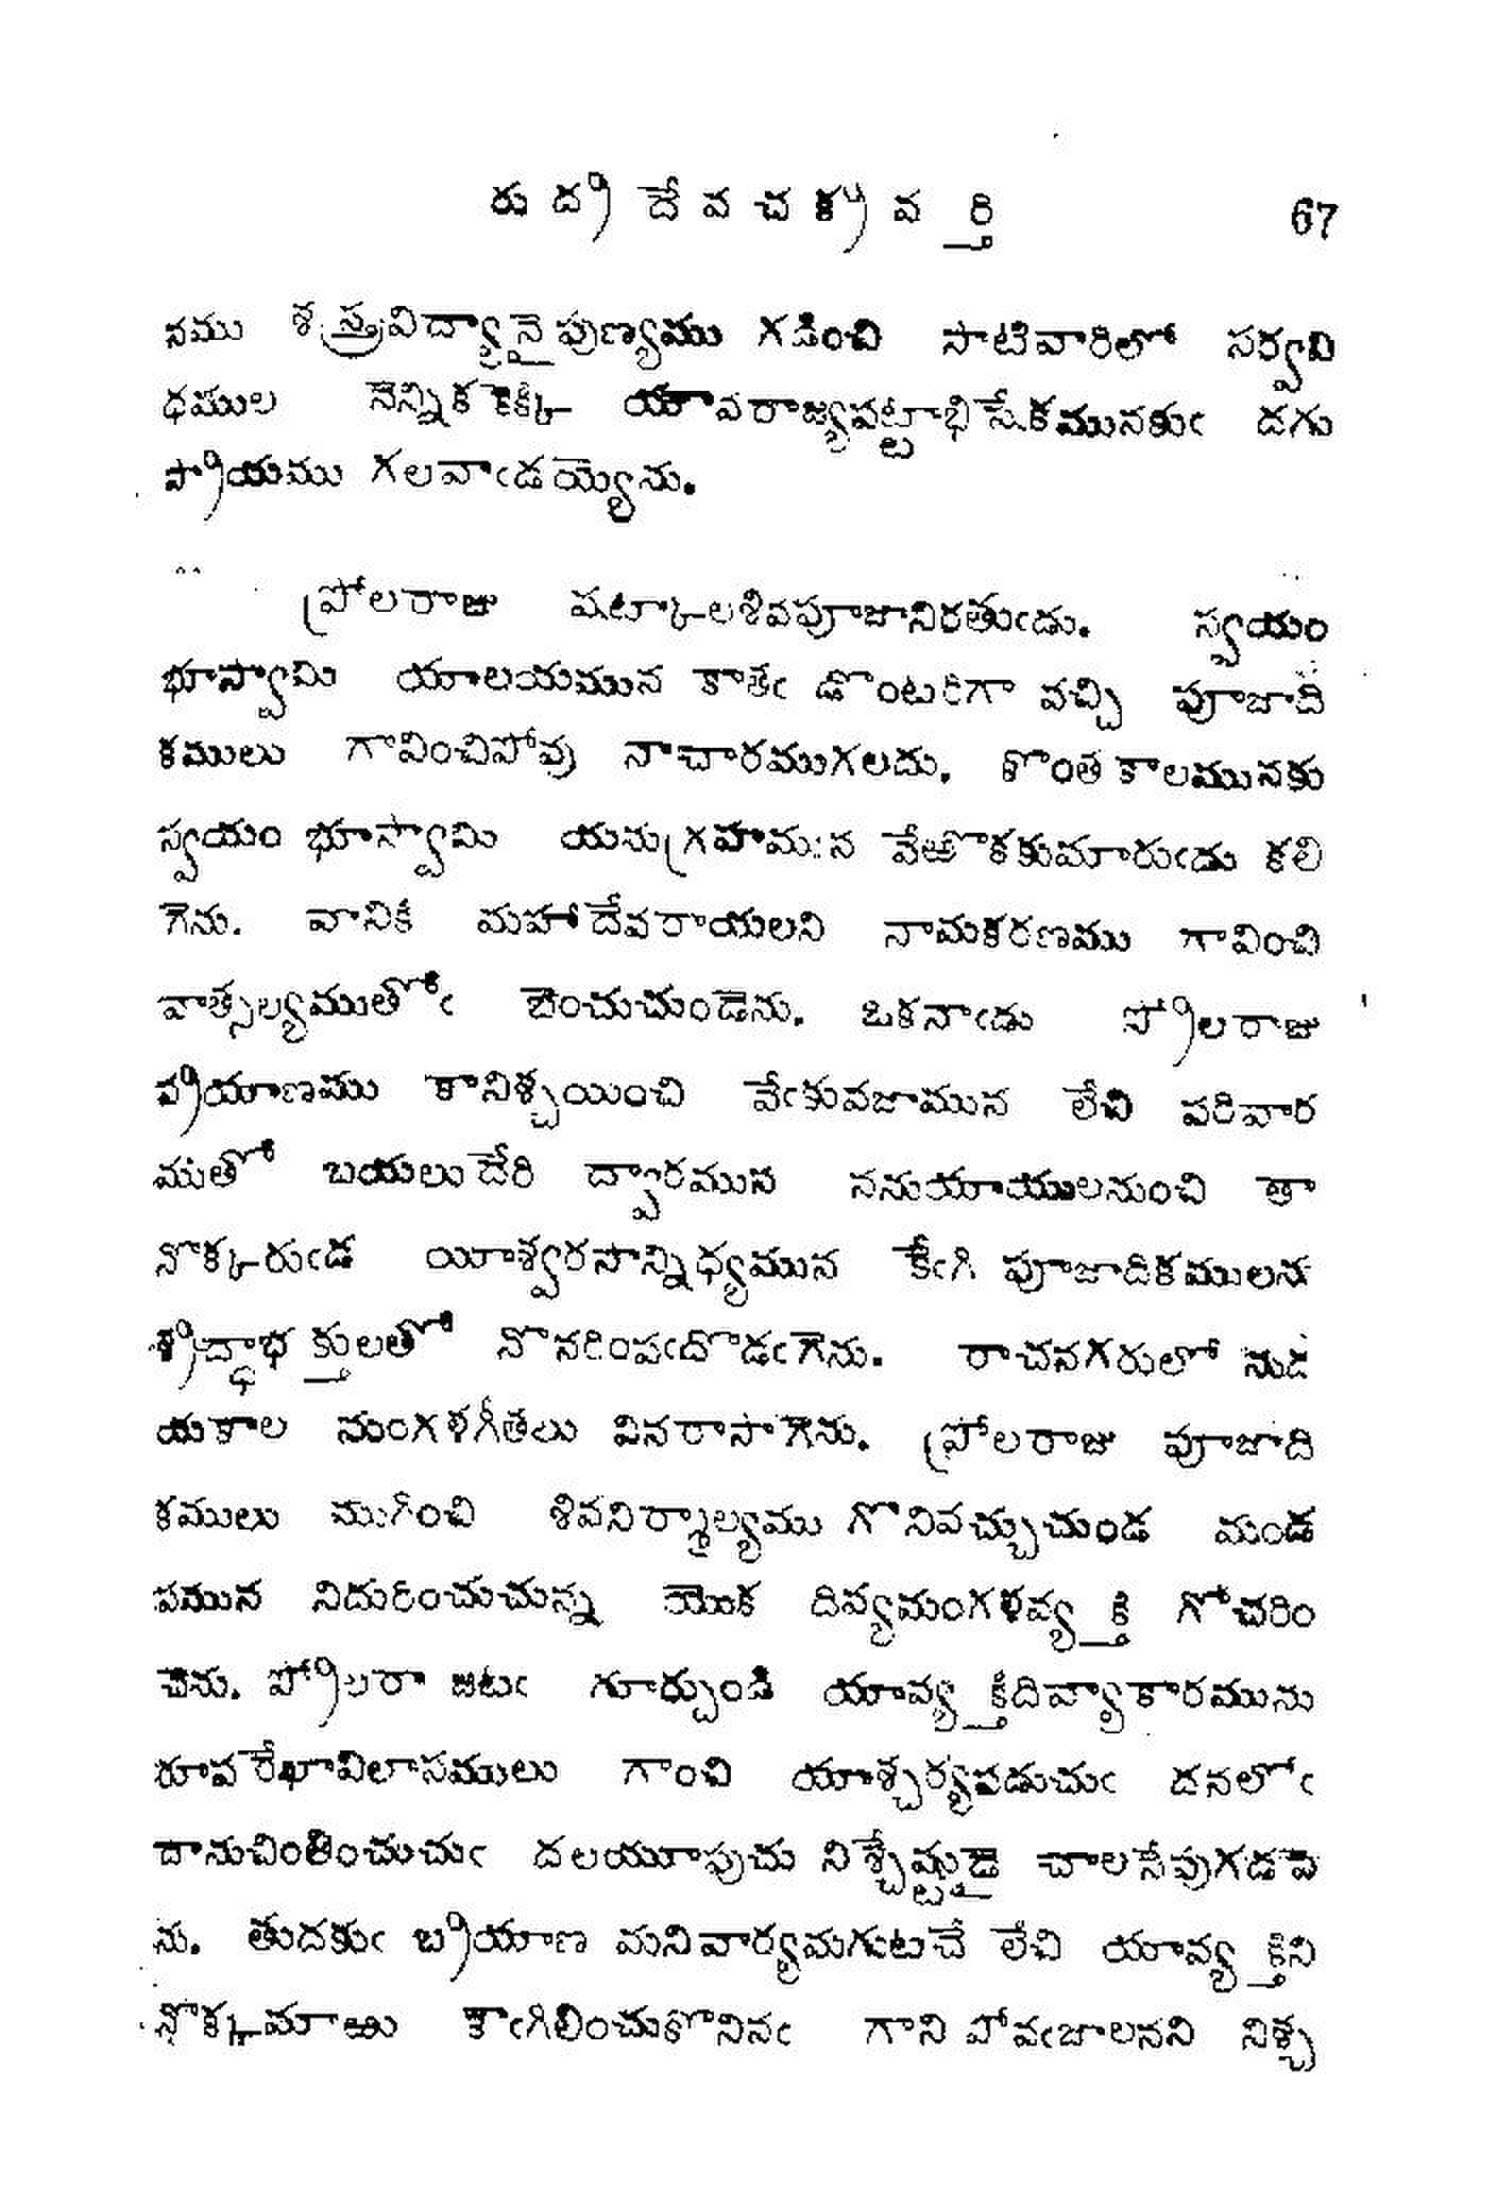నము శస్త్రవిద్యానైపుణ్యము గడించి సాటివారిలో సర్వవిధముల నెన్నికకెక్కి యౌవరాజ్యపట్టాభిషేకమునకు దగుప్రాయము గలవాడయ్యెను.

ప్రోలరాజు షట్కాలశివపూజానిరతుడు. స్వయంభూస్వామి యాలయమున కాత డొంటరిగా వచ్చి పూజాదికములు గావించిపోవు నాచారముగలదు. కొంత కాలమునకు స్వయం భూస్వామి యనుగ్రహమున వేఱొకకుమారుడు కలిగెను. వానికి మహాదేవరాయలని నామకరణము గావించి వాత్సల్యముతో బెంచుచుండెను. ఒకనాడు ప్రోలరాజు ప్రయాణము కానిశ్చయించి వేకువజామున లేచి పరివారముతో బయలుదేరి ద్వారమున ననుయాయులనుంచి తా నొక్కరుడ యీశ్వరసాన్నిధ్యమున కేగి పూజాదికములను శ్రద్ధాభక్తులతో నొనరింపదొడగెను. రాచనగరులో నుదయకాలమున మంగళగీతలు వినరాసాగెను. ప్రోలరాజు పూజాదికములు ముగించి శివనిర్మాల్యము గొనివచ్చుచుండ మండపమున నిదురించుచున్న యొక దివ్యమంగళవ్యక్తి గోచరించెను. ప్రోలరా జట గూర్చుండి యావ్యక్తిదివ్యాకారమును రూపరేఖావిలాసములు గాంచి యాశ్చర్యపడుచు దనలో దానుచింతించుచు దలయూపుచు నిశ్చేష్టుడై చాలసేపుగడపెను. తుదకు బ్రయాణ మనివార్యమగుటచే లేచి యావ్యక్తిని నొక్కమాఱు కౌగిలించుకొనిన గాని పోవజాలనని నిశ్చ